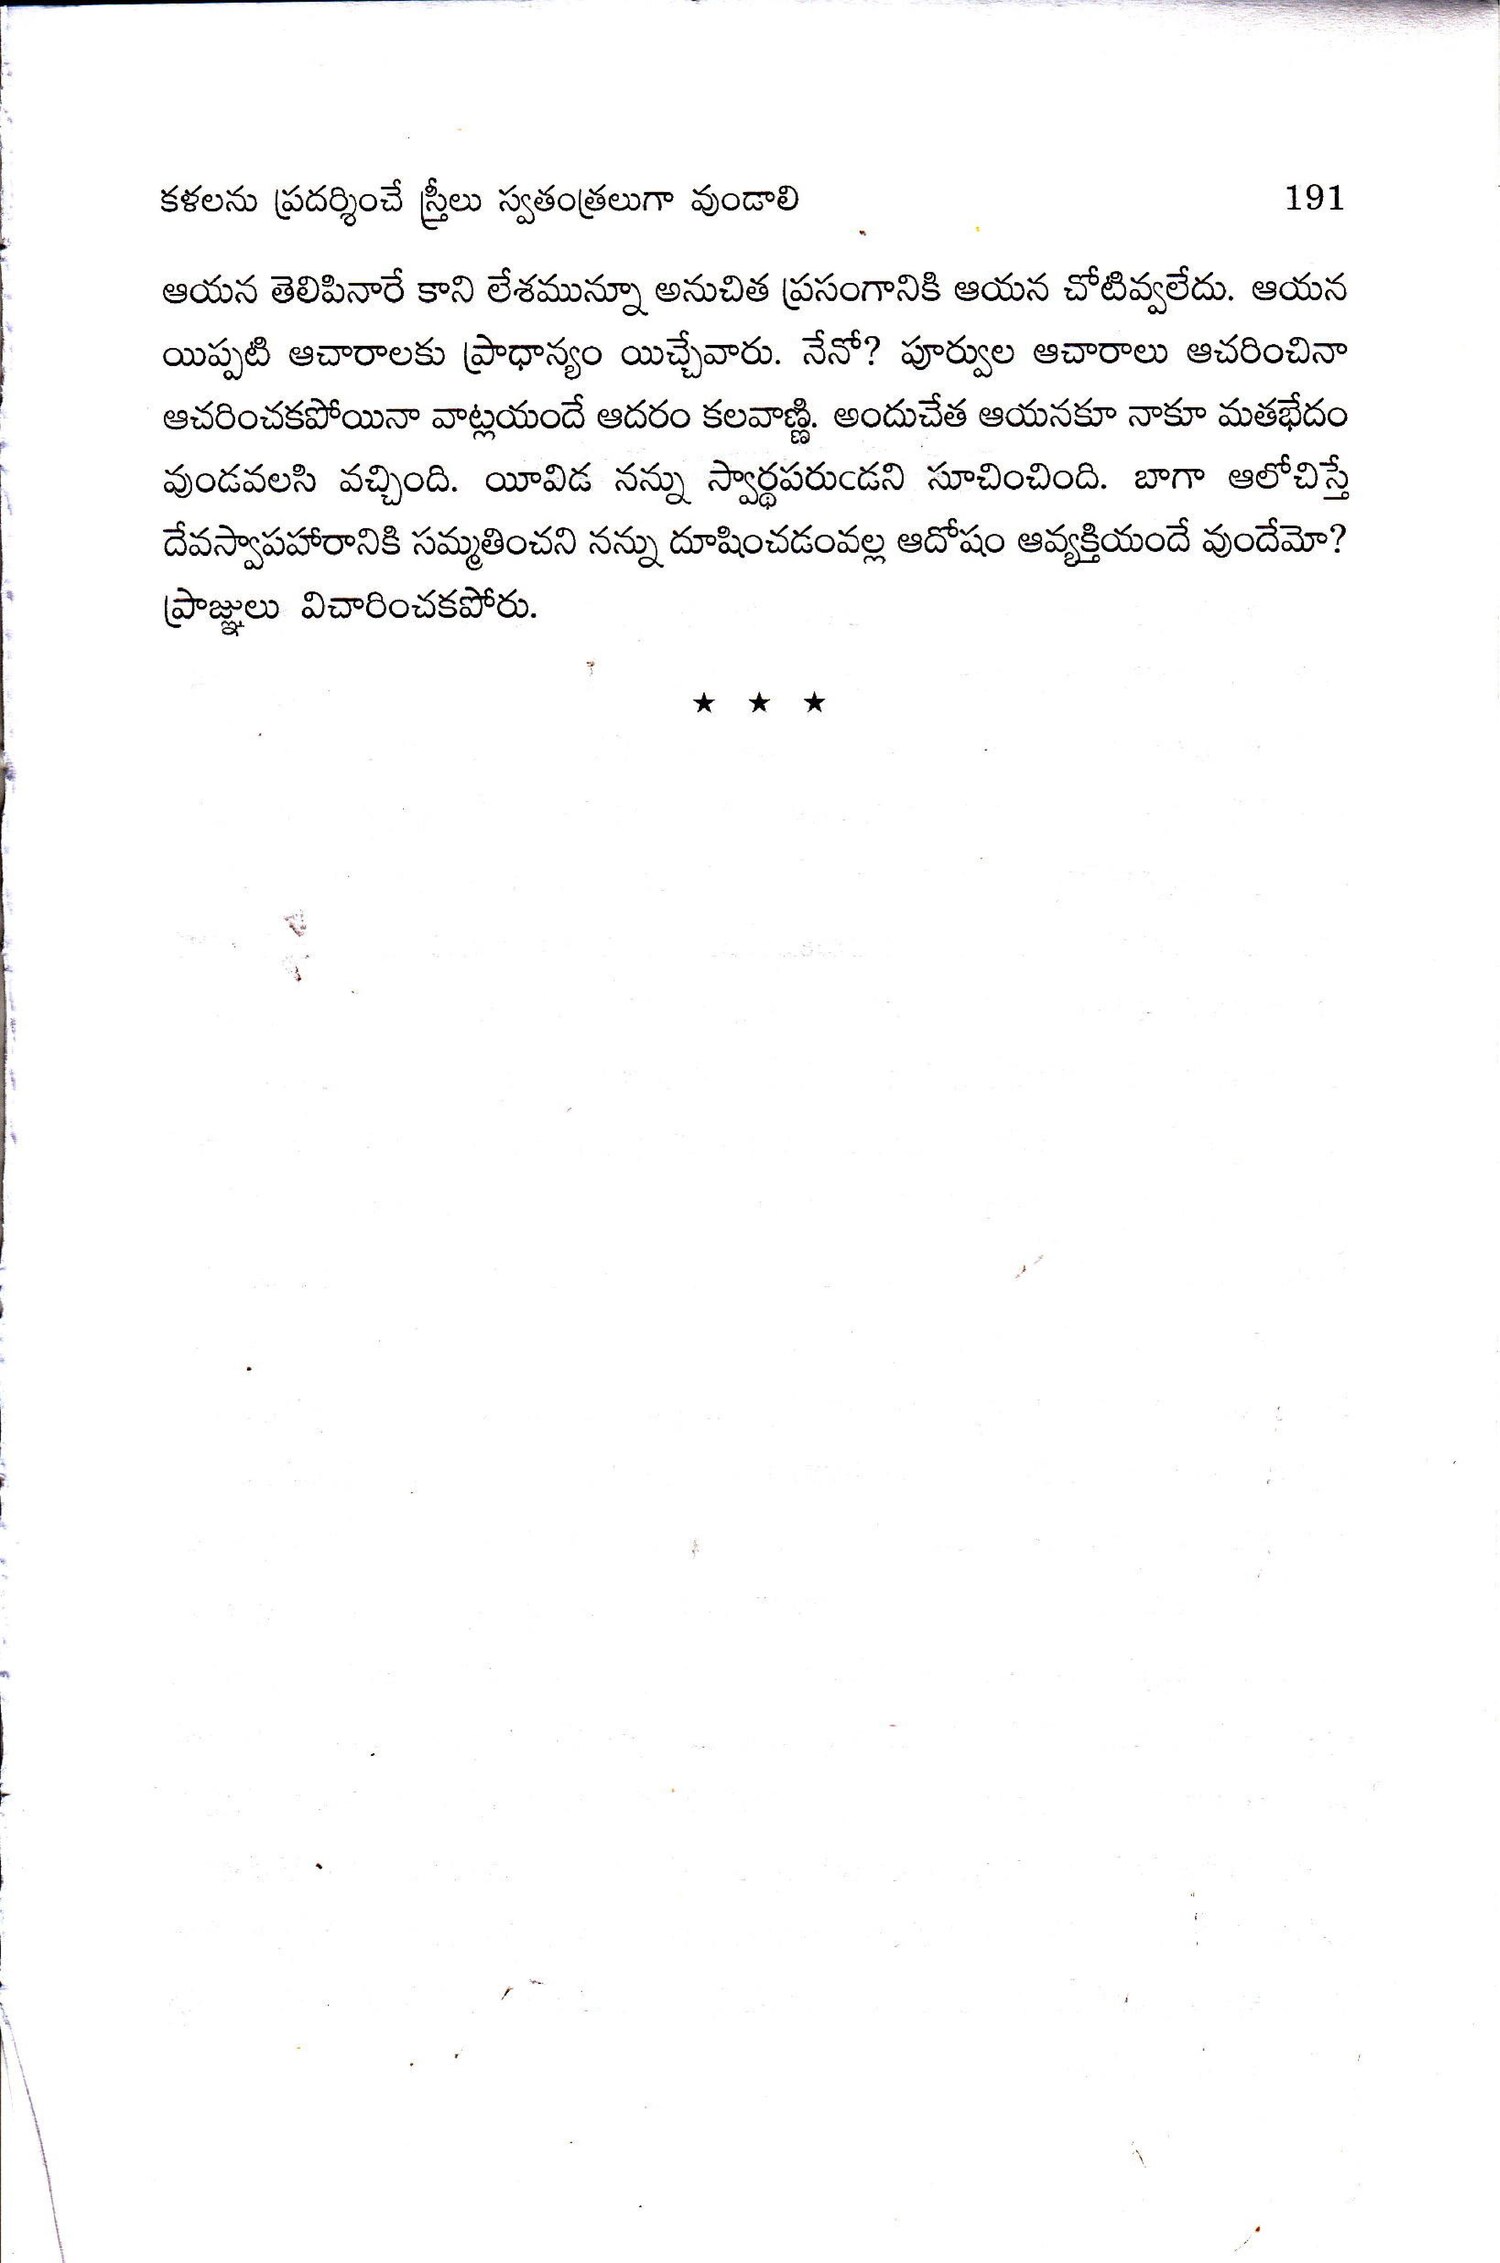ఆయన తెలిపినారే కాని లేశమున్నూ అనుచిత ప్రసంగానికి ఆయన చోటివ్వలేదు. ఆయన యిప్పటి ఆచారాలకు ప్రాధాన్యం యిచ్చేవారు. నేనో? పూర్వుల ఆచారాలు ఆచరించినా ఆచరించకపోయినా వాట్లయందే ఆదరం కలవాణ్ణి. అందుచేత ఆయనకూ నాకూ మతభేదం వుండవలసి వచ్చింది. యీవిడ నన్ను స్వార్థపరుఁడని సూచించింది. బాగా ఆలోచిస్తే దేవస్వాపహారానికి సమ్మతించని నన్ను దూషించడంవల్ల ఆదోషం ఆవ్యక్తియందే వుందేమో? ప్రాజ్ఞులు విచారించకపోరు.